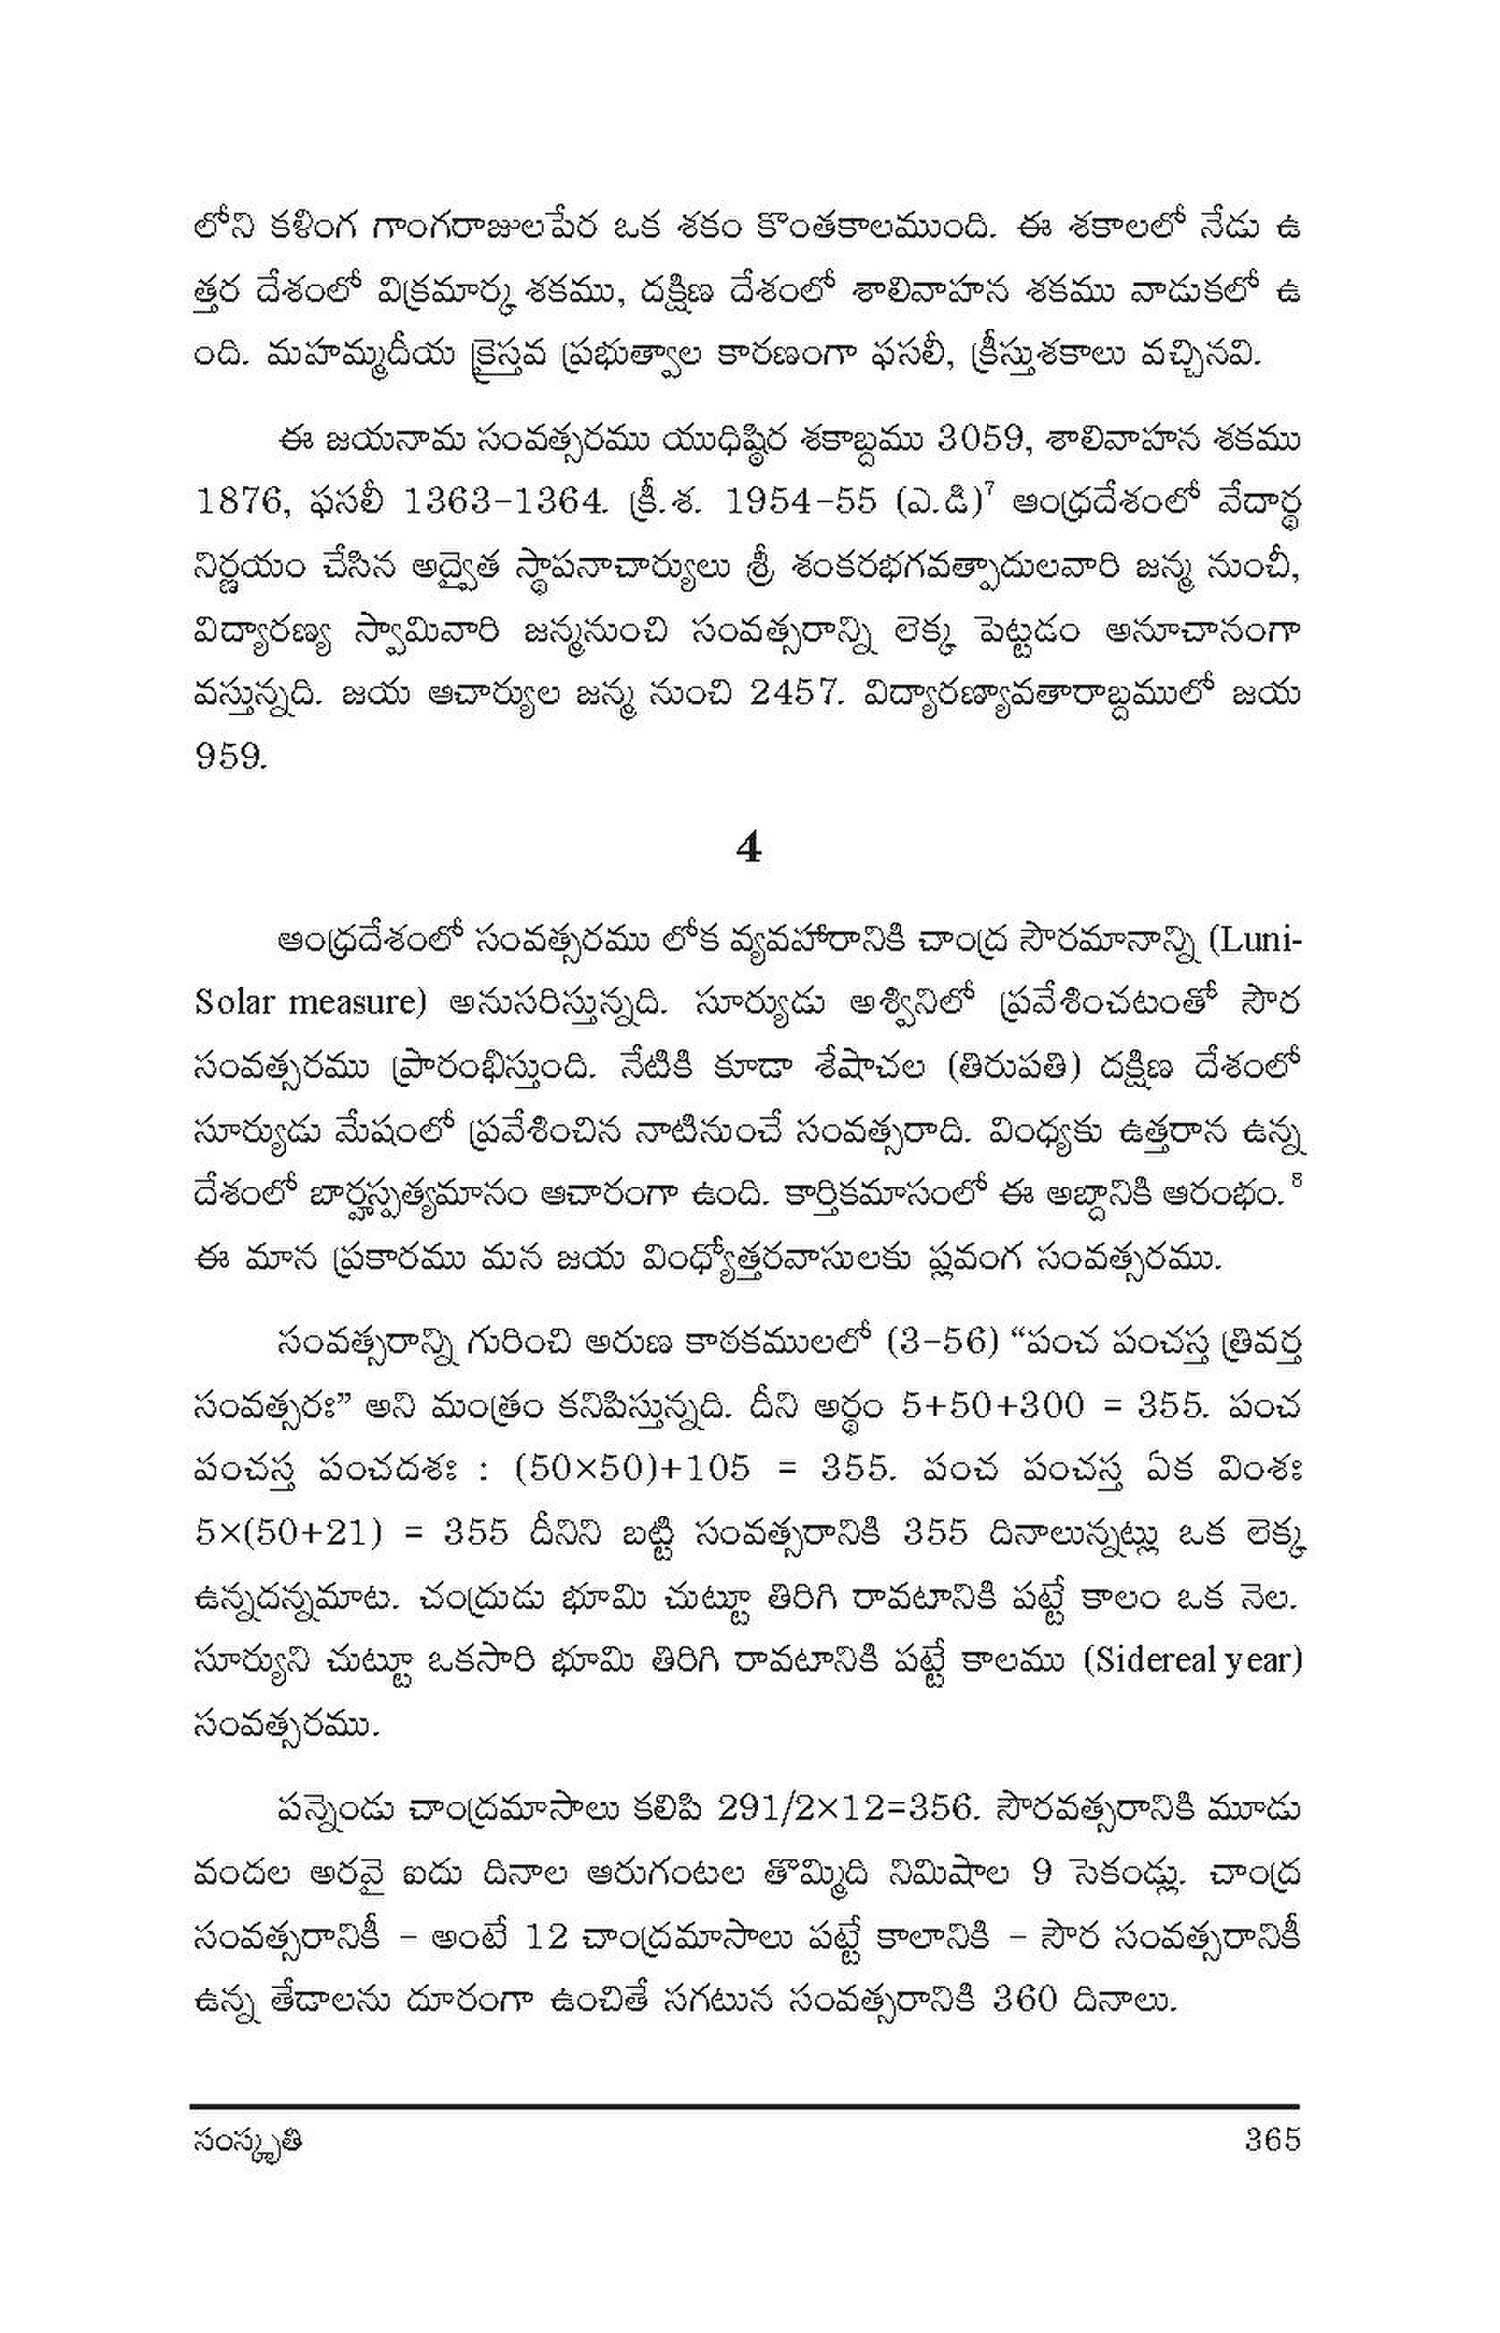లోని కళింగ గంగరాజుల పేర ఒక శకం కొంతకాలముంది. ఈ శకాలలో నేడు ఉ
త్తర దేశంలో విక్రమార్క శకము, దక్షిణ దేశంలో శాలివాహన శకము వాడుకలో ఉ
ంది. మహమ్మదీయ క్రైస్తవ ప్రభుత్వాల కారణంగా ఫసలీ, క్రీస్తుశకాలు వచ్చినవి. 

ఈ జయనామ సంవత్సరము యుధిష్ఠిర శతాబ్దము 3059, శాలివాహన శకము
1876, ఫసలీ 1363-1364. క్రీ.శ. 1954-55 (ఎ.డి)' ఆంధ్రదేశంలో వేదార్థ
నిర్ణయం చేసిన అద్వైత స్థాపనాచార్యులు శ్రీ శంకరభగవత్పాదులవారి జన్మ నుంచీ,
విద్యారణ్య స్వామివారి జన్మనుంచి సంవత్సరాన్ని లెక్క పెట్టడం అనూచానంగా
వస్తున్నది. జయ ఆచార్యుల జన్మ నుంచి 2457. విద్యారణ్యావతారాబ్దములో జయ
959.

ఆంధ్రదేశంలో సంవత్సరము లోక వ్యవహారానికి చాంద్ర సౌరమానాన్ని (Luni-
Solar measure) అనుసరిస్తున్నది. సూర్యుడు అశ్వినిలో ప్రవేశించటంతో సౌర
సంవత్సరము ప్రారంభిస్తుంది. నేటికి కూడా శేషాచల (తిరుపతి) దక్షిణ దేశంలో
సూర్యుడు మేషంలో ప్రవేశించిన నాటినుంచే సంవత్సరాది. వింధ్యకు ఉత్తరాన ఉన్న
దేశంలో బార్హస్పత్యమానం ఆచారంగా ఉంది. కార్తికమాసంలో ఈ అబ్దానికి ఆరంభం.
ఈ మాన ప్రకారము మన జయ వింధ్యోత్తరవాసులకు ప్లవంగ సంవత్సరము. 
సంవత్సరాన్ని గురించి అరుణ కారకములలో (3-56) "పంచ పంచస్త త్రివర్త
సంవత్సరః" అని మంత్రం కనిపిస్తున్నది. దీని అర్థం 5+50+300 - 355. పంచ
పంచ పంచదశః : (50x50)+105 = 355. పంచ పంచస్త ఏక వింశః 
5x(50+21) = 355 దీనిని బట్టి సంవత్సరానికి 355 దినాలున్నట్లు ఒక లెక్క
ఉన్నదన్నమాట. చంద్రుడు భూమి చుట్టూ తిరిగి రావటానికి పట్టే కాలం ఒక నెల.
సూర్యుని చుట్టూ ఒకసారి భూమి తిరిగి రావటానికి పట్టే కాలము (Sidereal year)
సంవత్సరము.
పన్నెండు చాంద్రమాసాలు కలిపి 291/2×12-356. సౌరవత్సరానికి మూడు
వందల అరవై ఐదు దినాల ఆరుగంటల తొమ్మిది నిమిషాల 9 సెకండ్లు. చాంద్ర
సంవత్సరానికీ - అంటే 12 చాంద్రమాసాలు పట్టే కాలానికి - సౌర సంవత్సరానికీ
ఉన్న తేడాలను దూరంగా ఉంచితే సగటున సంవత్సరానికి 360 దినాలు.